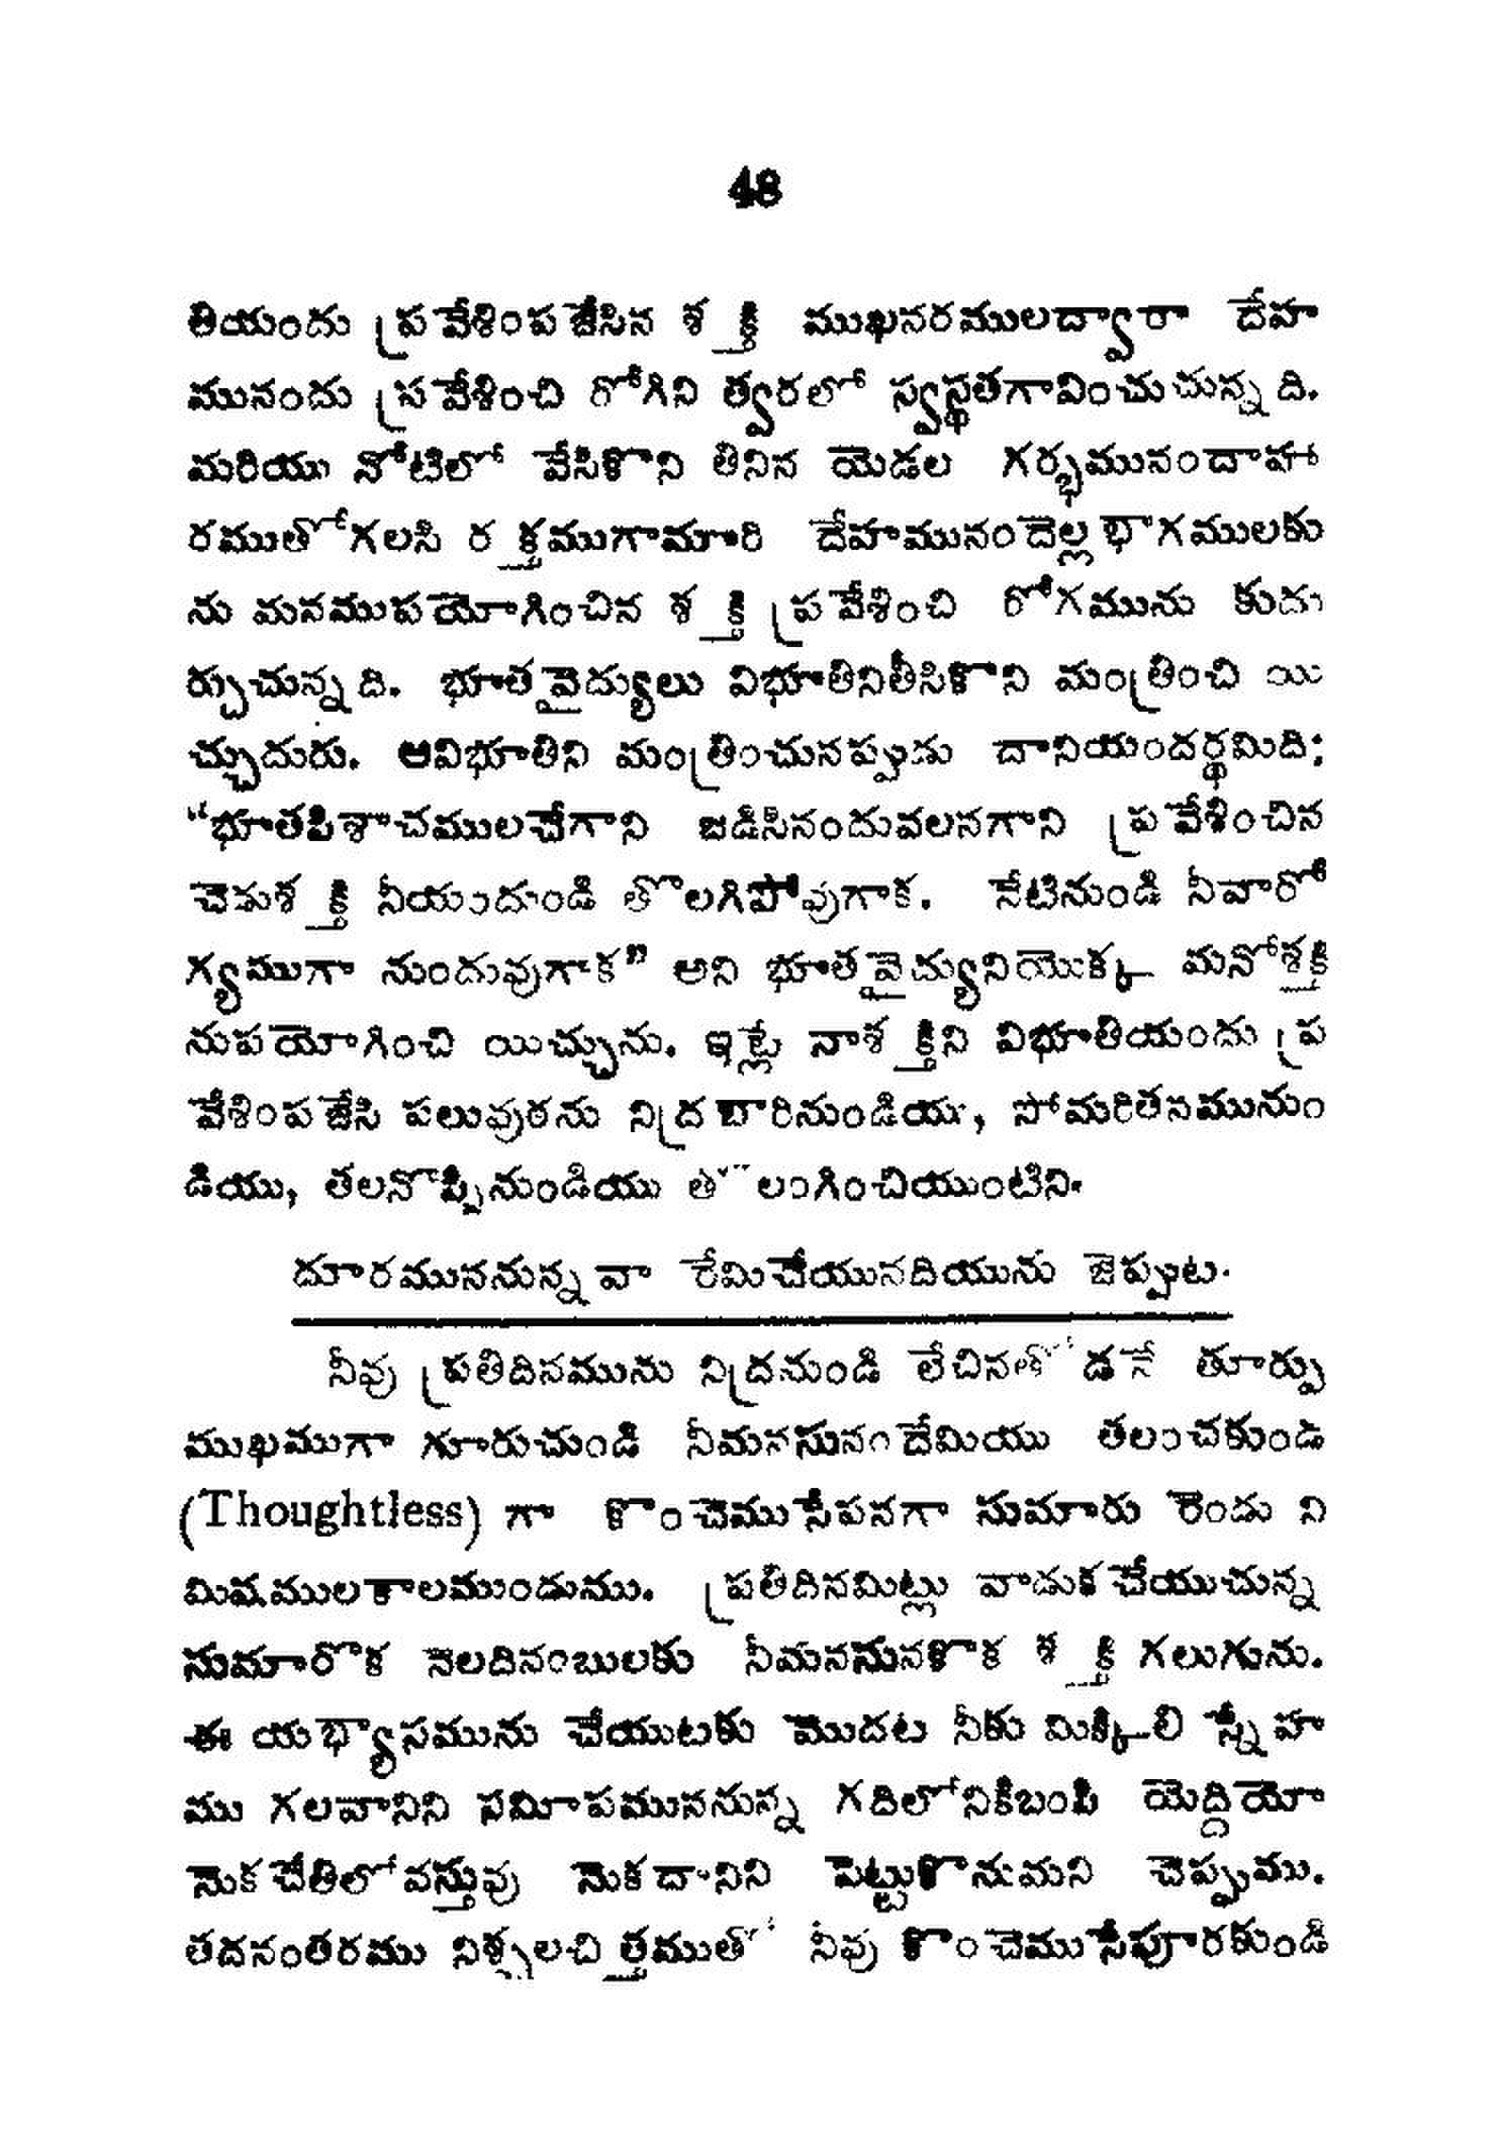తియందు ప్రవేశింపజేసిన శక్తి ముఖనరములద్వారా దేహమునందు ప్రవేశించి రోగిని త్వరలో స్వస్థతగావించుచున్న ది. మరియు నోటిలో వేసికొని తినిన యెడల గర్భమునందాహారముతోగలసి రక్తముగామారి దేహమునందెల్లభాగములకును మనముపయోగించిన శక్తి ప్రవేశించి రోగమును కుదుర్చుచున్నది. భూతవైద్యులు విభూతినితీసికొని మంత్రించి యిచ్చుదురు. ఆవిభూతిని మంత్రించునప్పుడు దానియందర్థమిది : “భూతపిశాచములచేగాని జడిసినందువలనగాని ప్రవేశించిన చెడుశక్తి నీయందుండి తొలగిపోవుగాక. నేటినుండి నీవారోగ్యముగా నుందువుగాక" అని భూతవైద్యునియొక్క మనోశక్తి నుపయోగించి యిచ్చును. ఇట్లే నాశక్తిని విభూతియందు ప్రవేశింపజేసి పలువురను నిద్రబారినుండియ , సోమరితనమునుండియు, తలనొప్పినుండియు తొలంగించి యుంటిని,

నీవు ప్రతిదినమును నిద్రనుండి లేచినతోడనే తూర్పుముఖముగా గూరుచుండి నీమనసునం దేమియు తలంచకుండ (Thoughtless) గా కొంచెము సేపనగా సుమారు రెండు నిమిషములకాల ముండుము. ప్రతిదినమిట్లు వాడుకచేయుచున్న సుమారొక నెలదినంబులకు నీమనసునకొక శక్తి గలుగును. ఈ యభ్యాసమును చేయుటకు మొదట నీకు మిక్కిలి స్నేహము గలవానిని సమీపమున నున్న గదిలోనికిబంపి యెద్దియో నొకచేతిలోవస్తువు నొకదానిని పెట్టుకొనుమని చెప్పుము.
తదనంతరము నిశ్చలచిత్తముతో నీవు కొంచెము సేపూరకుండి